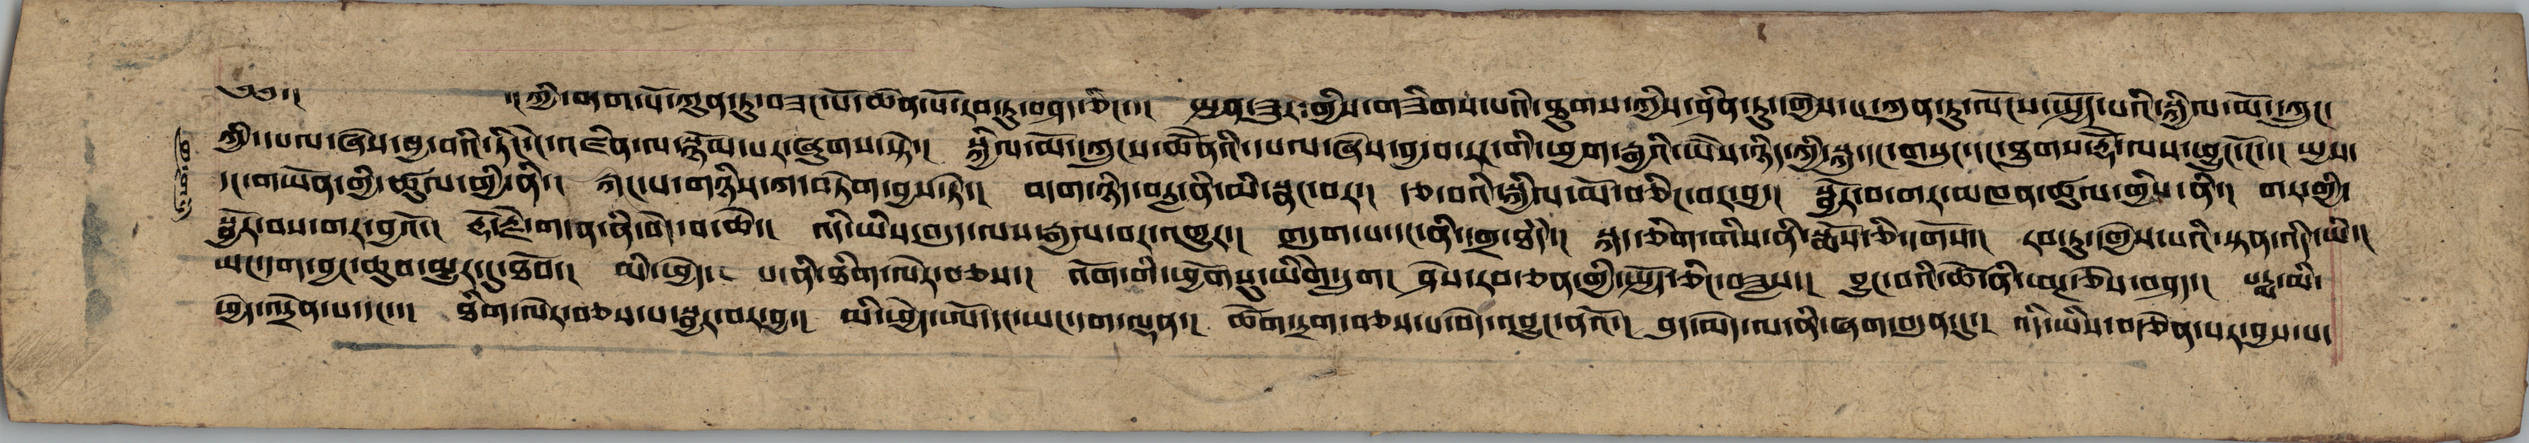༄༅་། ་།ཀྱི་བདག་པོ་ཀུན་ཏུ་བཟང་པོ་ཆེན་པོ་རབ་ཏུ་བཤད་ཅིང་་། སྤྱན་ཟུར་གྱིས་གཟིགས་པའི་ཐུགས་ཀྱིས་ཤིན་ཏུ་དགྱེས་པ་ཀུན་ཏུ་ལོངས་སྤྱོད་པའི་སྐྱིལ་མོ་དཀྲུང་
ཀྱི་དཔལ་ཞེས་བྱ་བའི་ཏིང་ངེ་འཛིན་ལ་སྙོམ་པར་ཞུགས་སྟེ་། སྐྱིལ་མོ་དཀྲུངས་ཆེནོའི་དཔལ་ཞེས་བྱ་བ་རང་གི་ཕྱག་རྒྱའི་ཡཻས་ཉིད་ཀྱི་སྐུ་དང་གསུང་དང་ཐུགས་རྡོེ་ལས་ཕྱུང་ངོ་་། ཡྱས་
དང་གཡོན་གྱི་ཚུལ་གྱི་ནི་། རྐང་པ་གཉིས་ཀ་བཏེག་བྱས་ཏེ་། བདག་ཉིད་བརླ་ནི་མི་སྣང་བར་། རྩ་བའི་སྐྱིལ་མོ་བཅིང་བར་བྱ་། སྦྱོར་བ་གར་མཁན་ཚུལ་གྱིས་ནི་། གར་གྱི་
སྦྱོར་བས་གར་བྱའོ་། རྡོ་རྗེ་གདན་ནི་བདེ་བ་ཆེ་། འདི་ཡིས་བདུད་ལས་རྒྱལ་བར་འགྱུར་། གདུག་པ་དང་ནི་དགྲ་ཐཾད་། སྐད་ཅིག་གིས་ནི་སྨོས་ཅི་དགོས་། རབ་ཏུ་དགྱེས་པའི་སྟན་འདི་ཡི་།
ཡང་དག་བྱང་ཆུབ་མྱུར་དུ་ཐོབ་། མི་ཕྱེད་ པ་ནི་ཐིག་ལེར་བཅས་། འོག་གི་ཕྱོགསུ་ཡིགེ་དྲུག། ཤེས་རབ་ཅན་གྱི་སྤྱོད་ཅིང་བཟླས་། བྱུང་བའི་ཚེ་ནི་ཕཊ་ཅེས་བཤད་། པདྨ་མི་
ཕྱེད་འདྲེན་པ་དང་་། ཐིག་ལེར་བཅས་པ་སྦྱར་བར་བྱ་། མི་ཕྱེད་ཨོ་དང་ཡང་དག་ལྡན་། ཚེག་དྲག་བཅས་པ་བདེ་འབྱུང་ནའོ་། བུད་མེད་ལ་ནི་ཞག་བདུན་དུ་། འདི་ཡིས་བརྩེན་པར་བྱས་པ་